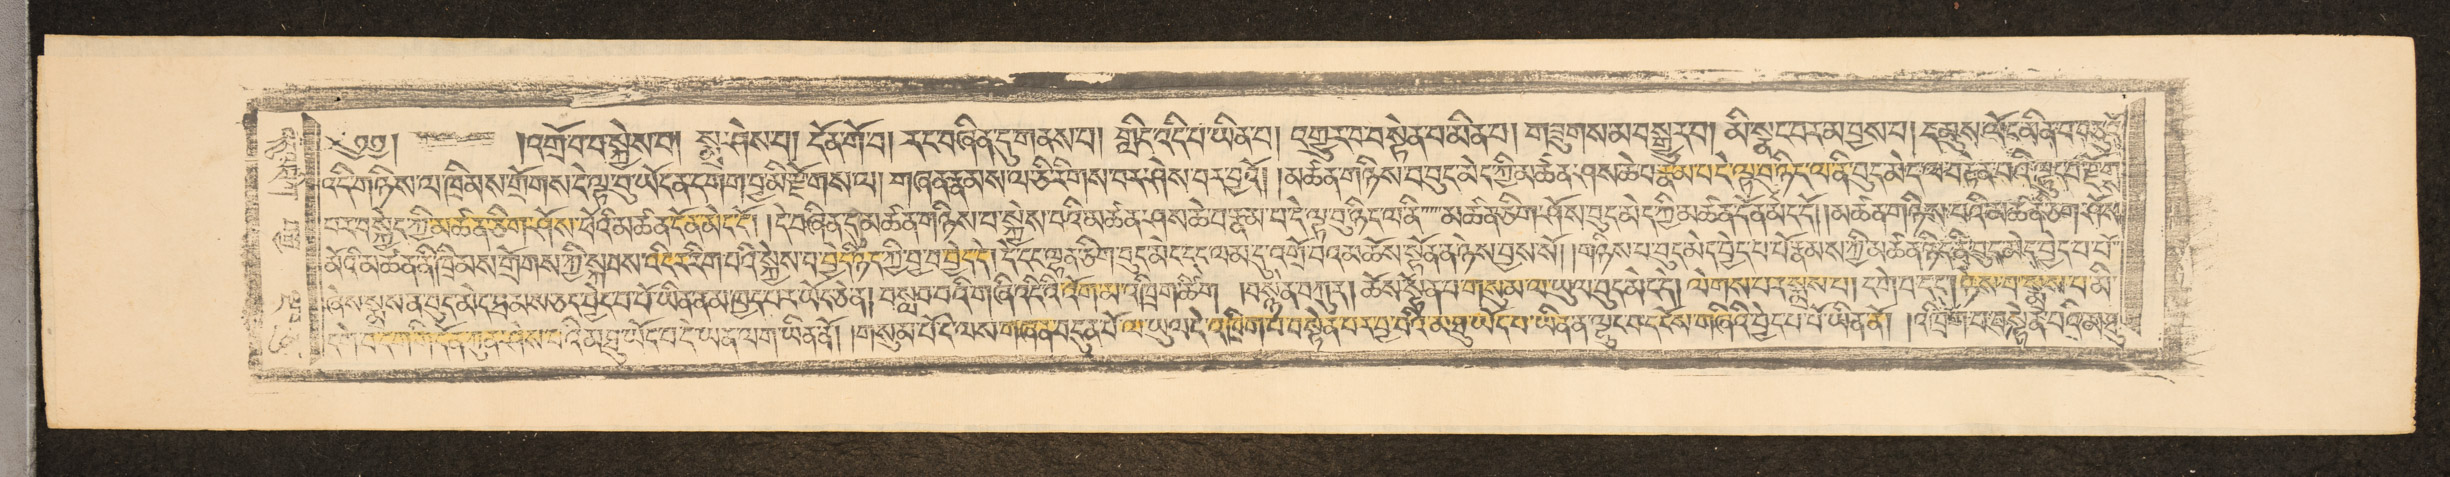༄༅། །འགྲོ་བ་པ་སྐྱེས་པ། སྨྲ་ཤེས་པ། དོན་གོ་བ། རང་བཞིན་དུ་གནས་པ། གླིང་འདི་པ་ཡིན་པ། འགྱུར་བ་བསྟེན་པ་མིན་པ། གཟུགས་ས་བསྒྱུར་པ། མི་སྣང་བར་མ་བྱས་པ། དམུས་ལོང་མིན་པ་བཅུའོ་
འདི་གཉིས་ལ་ཁྲིམས་གྲོགས་དེ་ལྟ་བུ་ཡོད་ན་དགག་བྱ་མི་རྫོགས་ལ། གཞན་རྣམ་ས་ལ་ཅི་རིགས་པར་ཤེས་པར་བྱའོ། །མཚན་གཉིས་བ་བུད་མེད་ཀྱི་མཚན་ཤས་ཆེ་བ་རྣམ་པ་དེ་ལྟ་བུ་ཉིད་ལ་ནི་བུད་མེད་ལ་བརྟེན་པའི་ལྟུང་བ་རྫོགས་
པར་བསྐྱེད་ཀྱི་མཚན་ཅིག་ཤོས་ཕོའི་མཚན་དོན་མེད་དོ། །དེ་བཞིན་དུ་མཚན་གཉིས་པ་སྐྱེས་བའི་མཚན་ཤས་ཆེ་བ་རྣམ་པ་དེ་ལྟ་བུ་ཉིད་ལ་ནི་མཚན་ཅིག་ཤོས་བུད་མེད་ཀྱི་མཚན་དོན་མེད་དོ། །མཚན་གཉིས་པའི་མཚན་ཅིག་ཤོས་
མོའི་མཚན་ནི་ཁྲིམས་གྲོགས་ཀྱི་སྐབས་འདིར་རིག་པའི་སྐྱེས་པ་བྱེད་ཉིད་ཀྱི་བྱ་བ་བྱེད་དེ། དེ་དང་ལྷན་ཅིག་བུད་མེད་དང་ལམ་དུ་འགྲོ་བའམ་ཆོས་སྟོན་ན་ཉེས་བྱས་སོ། །གཉིས་པ་བུད་མེད་བྱེད་པ་པོ་རྣམས་ཀྱི་མཚན་ཉིད་ནི་བུད་མེད་བྱེད་པ་པོ་
ཞེས་སྨྲས་ན་བུད་མེད་ཐམས་ཅད་བྱེད་པ་པོ་ཡིན་ནམ་ཁྱད་པར་ཡོད་ཅེ་ན། བསླབ་པའི་གཞི་འདིའི་འོག་མ་འཁྲིག་ཚིག །བསྙེན་བཀུར་།ཆོས་སྟོན་པ་གསུམ་ལ་ཡུལ་བུད་མེད་དེ། ལེགས་པར་སྨྲས་པ། དགེ་བ་དང་། ཉེས་པ་སྨྲས་པ་མི་
དགེ་བ་དག་གི་དོན་ཀུན་ཤེས་པའི་མཐུ་ཡོད་པ་དེ་ཡན་ལག་ཡིན་ནོ། །གསུམ་པོ་དེ་ལས་གཞན་བདུན་པོ་ལ་ཡུལ་དེ་འཁྲིག་པ་བསྟེན་པར་བྱ་བའི་མཐུ་ཡོད་པ་ཡིན་ན་ལྟུང་བ་དངོས་གཞིའི་བྱེད་པ་པོ་ཡིན་ནོ། །འཁྲིག་པ་བསྟེན་པའི་མཐུ་